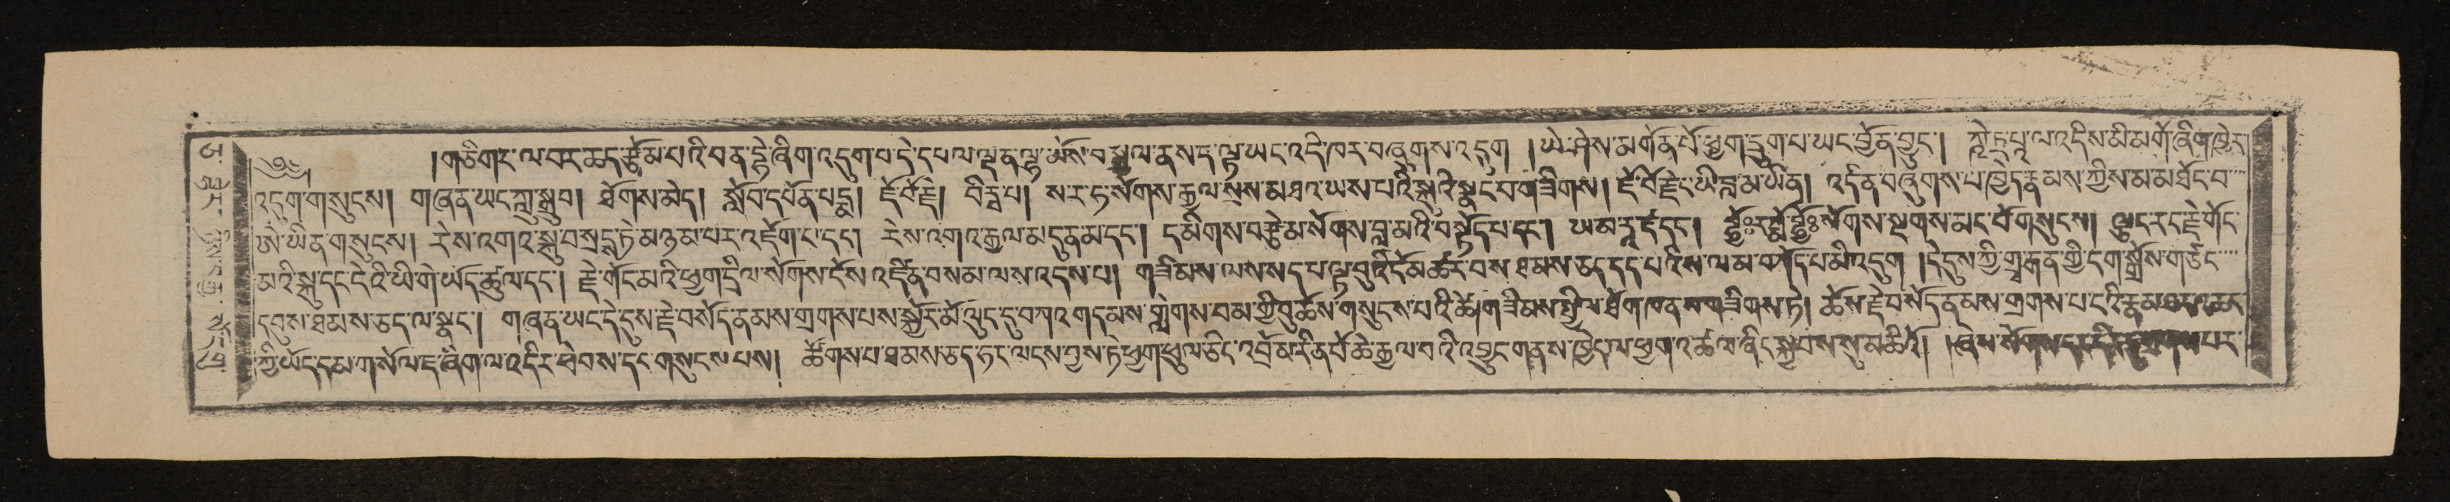༄༅། །གཅིག་ང་ལ་བར་ཆད་རྩོམ་པའི་བན་དྷེ་ཞིག་འདུག་པ་དེ་དཔལ་ལྡན་ལྷ་མོས་བསྒྲལ་ནས་ད་ལྟ་ཡང་འདི་ཁར་བཞུགས་འདུག །ཡེ་ཤེས་མགོན་པོ་ཕྱག་དྲུག་པ་ཡང་བྱོན་བྱུང་། ཀྵེ་ཏྲ་པཱ་ལ་འདིས་མི་མགོ་ཞིག་ཁྱེར་
འདུག་གསུངས། གཞན་ཡང་ཀླུ་སྒྲུབ། ཐོགས་མེད། སློབ་དཔོན་པདམ། ཇོ་བོ་རྗེ། བིརྦ་བ། ས་ར་ཧ་སོགས་རྒྱལ་སྲས་མཐའ་ཡས་པའི་སྐུའི་སྣད་བ་གཟིགས། ཇོ་བོ་རྗེ་ང་ཡི་བླ་མ་ཡིན། འདི་ན་བཞུགས་པ་ཁྱེད་རྣམས་ཀྱིས་མ་མཐོང་བ་
ཨེ་ཡིན་གསུངས། རེས་འགའ་སྐུ་བསྲངས་ཏེ་མཉམ་པར་འཇོག་པ་དང་། རེས་འགའ་རྒྱལ་མདུན་མ་དང་། དམིགས་བརྩེ་མ་སོགས་བླ་མའི་བསྟོད་པ་དང་། ཡ་མ་རཱ་ཛ་དང་། བྷྱོཿརཀྨོ?་བྷྱོཿསོགས་སྔགས་མང་པོ་གསུངས། ལྕང་རར་རྗེ་གོང་
མའི་སྐུ་དང་དེའི་ཡི་གེ་ཡོད་ཚུལ་དང་། རྗེ་གོང་མའི་ཕྱག་དྲིལ་སོགས་ངོས་འཛིན་བསམ་ལས་འདས་པ། གཟིམས་ལས་སད་པ་ལྟ་བུའི་ངོ་མཚར་བས་ཐམས་ཅད་དད་པའི་ས་ལམ་བཀོད་པ་མི་འདུག །དེ་དུས་ཀྱི་གྲྭ་རྒན་གྱི་ངག་སྒྲོས་གཅང་
དབུས་ཐམས་ཅད་ལ་སྣང་། གཞན་ཡང་དེ་དུས་རྗེ་བསོད་ནམས་གྲགས་པས་སྐྱོར་མོ་ལུང་དུ་བཀའ་གདམས་གླེགས་བམ་གྱི་བུ་ཆོས་གསུངས་པའི་ཚེ། གཟིམས་སྦྱིལ་ཐོག་ཁ་ནས་གཟིགས་ཏེ། ཆོས་རྗེ་བསོད་ནམས་གྲགས་བ་ངའི་རྣམ་ཐར་འཆང་
ཀྱི་ཡོད་དམ་གསོལ་ཇ་ཞིག་ལ་འདིར་ཕེབས་དང་གསུངས་པས། ཚོགས་པ་ཐམས་ཅད་ཧར་ལངས་བྱས་ཏེ་ཕྱག་ཕུལ་ཅིང་འབྲོམ་རིན་པོ་ཆེ་རྒྱལ་བའི་འབྱུང་གནས་ཁྱེད་ལ་ཕྱག་འཚལ་ཞིང་སྐྱབས་སུ་མཆིའོ། །ཞེས་སོགས་དར་དིར་དུ་གྲགས་པར་